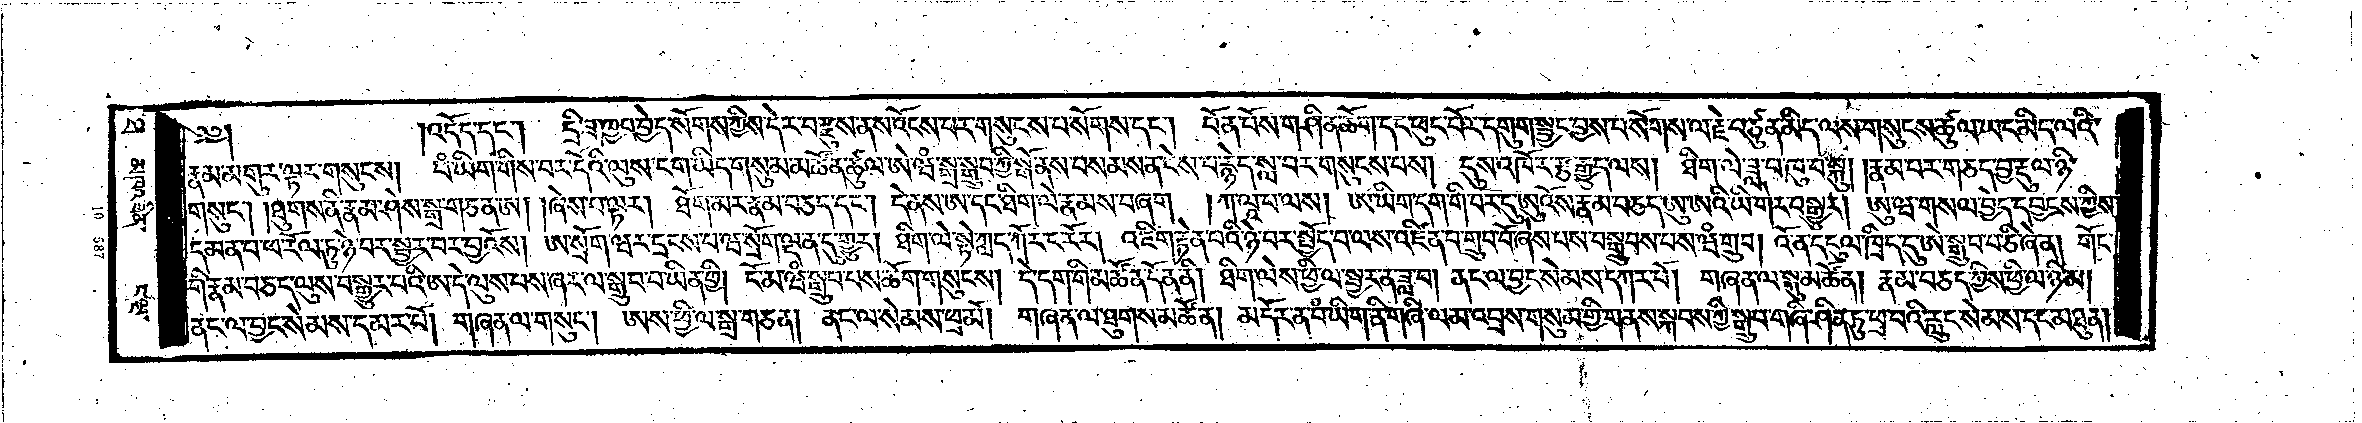༄༅། །འདོད་དང་། དྲི་ཟ་ཁྱབ་བྱེད་སོགས་ཀྱིས་དེར་བརྫུས་ནས་འོངས་པར་གསུངས་པ་སོགས་དང་། བོན་པོས་གཤིན་ཆོག་དང་ཕུང་པོར་དགུག་སྦྱང་བྱས་བ་སོགས་ལ་རྗེ་བཙུན་མིད་ལས་གསུངས་ཚུལ་ཡང་མིང་ལའི་
རྣམ་མགུར་ལྟར་གསུངས། བཾ་ཡིག་གིས་བར་དོའི་ལུས་ངག་ཡིད་གསུམ་མཚོན་ཚུལ་ཨེ་ཝཾ་སྒྲ་སྒྲུབ་ཀྱི་སྒོ་ནས་བསམས་ན་ངེས་པ་རྙེད་སླ་བར་གསུངས་པས། དུས་འཁོར་རྩ་རྒྱུད་ལས། ཐིག་ལེ་ཟླ་བ་ཁུ་བ་སྐུ། །རྣམ་པར་གཅད་བྱ་རྡུལ་ཉི་
གསུང་། །ཐུགས་ནི་རྣམ་ཤེས་སྒྲ་གཅན་ཨ། །ཞེས་པ་ལྟར། ཐོག་མར་རྣམ་བཅད་དང་། དེ་ནས་ཨ་དང་ཐིག་ལེ་རྣམས་བཞག །ཀ་ལཱ་པ་ལས། ཨ་ཡིག་དག་གི་བར་དུ་ཨུའོ་ས་རྣམ་བཅད་ཨུ་ཨཱི་ཡི་གེར་བསྒྱུར། ཨུ་ཝ་གསལ་བྱེད་དབྱངས་ཀྱིས་
དམན་པ་ཕ་རོལ་ཏུ་ཉེ་བར་སྦྱར་བར་བྱའོ་ས། ཨ་སྲོག་ཝ་ར་དྲངས་པ་ཝ་སྲོག་ལྡན་དུ་གྱུར། ཐིག་ལེ་སྟེ་ཀླད་ཀོར་ང་རོར། འཇིག་རྟེན་པའི་ཉེ་བར་སྤྱོད་པ་ལས་འཛིན་པ་གྲུབ་བོ་ཞེས་པས་བསྒྲུབས་བས་ཝཾ་གྲུབ། འོ་ན་དངུལ་ཁྲིད་དུ་ཨེ་སྒྲུབ་པ་ཅི་ཞེ་ན། གོང་
གི་རྣམ་བཅད་ལུས་བསྒྱུར་བའི་ཨ་དེ་ལུས་པས་ཞར་ལ་སྒྲུབ་པ་ཡིན་གྱི། ངོ་མ་ཝཾ་སྒྲུབ་པས་ཆོག་གསུངས། དེ་དག་གི་མཚོན་དོན་ནི། ཐིག་ལེས་ཕྱི་ལ་སྦྱར་ན་ཟླ་བ། ནང་ལ་བྱང་སེམས་དཀར་པོ། གཞན་ལ་སྐུ་མཚོན། རྣམ་བཅད་ཀྱིས་ཕྱི་ལ་ཉི་མ།
ནང་ལ་བྱང་སེམས་དམར་པོ། གཞན་ལ་གསུང་། ཨས་ཕྱི་ལ་སྒྲ་གཅན། ནང་ལ་སེམས་ཕྲ་མོ། གཞན་ལ་ཐུགས་མཚོན། མདོར་ན་བཾ་ཡིག་ནི་གཞི་ལམ་འབྲས་གསུམ་གྱི་གནས་སྐབས་ཀྱི་སྒྲུབ་གཞི་ཤིན་ཏུ་ཕྲ་བའི་རླུང་སེམས་དང་མཐུན།